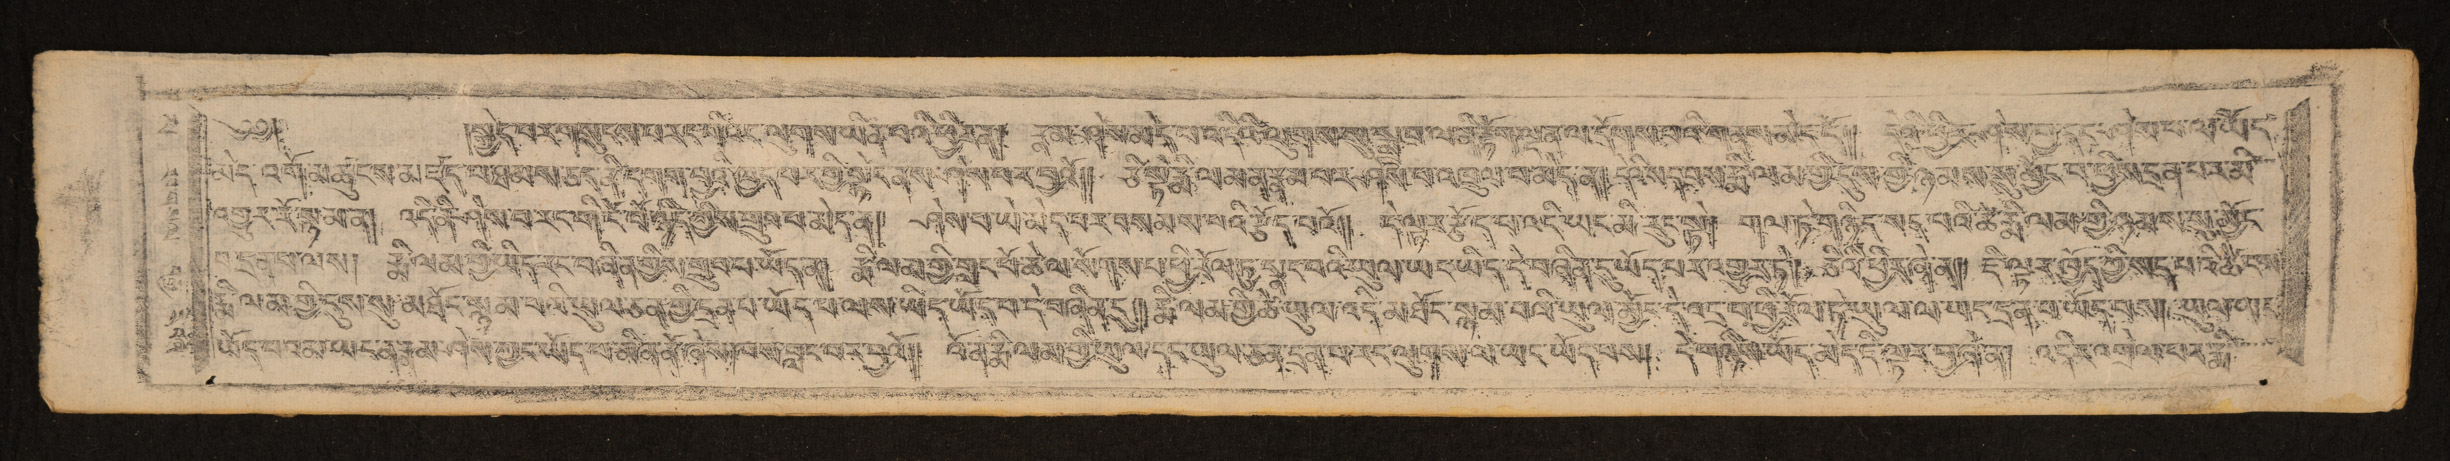༄༅། །སྐྱེད་པར་གསུངས་པ་རང་གིའང་ལུགས་ཡིན་པའི་ཕྱིར་ན། རྣམ་ཤེས་མེད་པ་འདིའི་ལུགས་སུ་སྨྲ་བ་ལ་ནི་རྟོག་ལྡན་ལ་དོགས་པའི་གནས་མེད་དོ།། དེའི་ཕྱིར་ཤེས་བྱ་དང་ཤེས་པ་ལ་ཡོད་
མེད་འགོ་མཚུངས་མཛད་པ་ཐམས་ཅད་ནི་དགག་བྱའི་ཁྱད་པར་གྱི་སྟེང་ནས་ཤེས་པར་བྱའོ།། ཅི་སྟེ་རྨི་ལམ་ན་རྣམ་པར་ཤེས་པ་འཁྲུལ་པ་མེད་ན། དེའི་སད་པས་རྨི་ལམ་གྱི་དུས་གྱི་ཉམས་སུ་མྱོང་བ་ཕྱིས་དྲན་པར་མི་
འགྱུར་རོ་སྙམ་ན། འདི་ནི་ཤེས་པ་རང་གི་ངོ་བོ་ཉིད་ཀྱིས་གྲུབ་པ་མེད་ན། ཤེས་པ་ཡེ་མེད་པར་བསམས་པའི་རྩོད་པའོ།། དེ་ལྟར་རྩོད་པ་འདི་ཡང་མི་རུང་སྟེ། གལ་ཏེ་གཉིད་སད་པའི་ཚེ་རྨི་ལམ་གྱི་ཉམས་སུ་མྱོང་
བ་དྲན་པ་ལས། རྨི་ལམ་གྱི་ཡིད་རང་བཞིན་གྱིས་གྲུབ་པ་ཡོད་ན། རྨི་ལམ་གྱི་གླང་པོ་ཆེ་ལ་སོགས་པ་ཕྱི་རོལ་ཏུ་སྣང་བའི་ཡུལ་ཡང་ཡིད་དེ་བཞིན་དུ་ཡོད་པར་འགྱུར་ཏེ། ཅིའི་ཕྱིར་ཞེ་ན། ཇི་ལྟར་ཁྱོད་ཀྱི་སད་པའི་ཚེ་ངས་
རྨི་ལམ་གྱི་དུས་སུ་མཐོང་སྙམ་པའི་ཡུལ་ཅན་གྱི་དྲན་པ་ཡོད་པ་ལས་ཡིད་ཡོད་པ་དེ་བཞིན་དུ། རྨི་ལམ་གྱི་ཚེ་ཡུལ་འདི་མཐོང་སྙམ་པའི་ཡུལ་མྱོང་དེ་འདྲ་བ་ཕྱི་རོལ་ཏེ་ཡུལ་ལ་ཡང་དྲན་པ་ཡོད་པས། ཡུལ་ཡང་
ཡོད་པའམ་ཡང་ན་རྣམ་ཤེས་ཀྱང་ཡོད་པ་མིན་ནོ་ཞེས་ཁས་བླང་བར་བྱའོ།། འོ་ན་རྨི་ལམ་གྱི་ཡུལ་དང་ཡུལ་ཅན་དྲན་པ་རང་ལུགས་ལ་ཡང་ཡོད་པས། དེ་གཉིས་ཡོད་མེད་ཇི་ལྟར་བྱ་ཞེ་ན། འདིར་འགྲེལ་བར་རྨི་